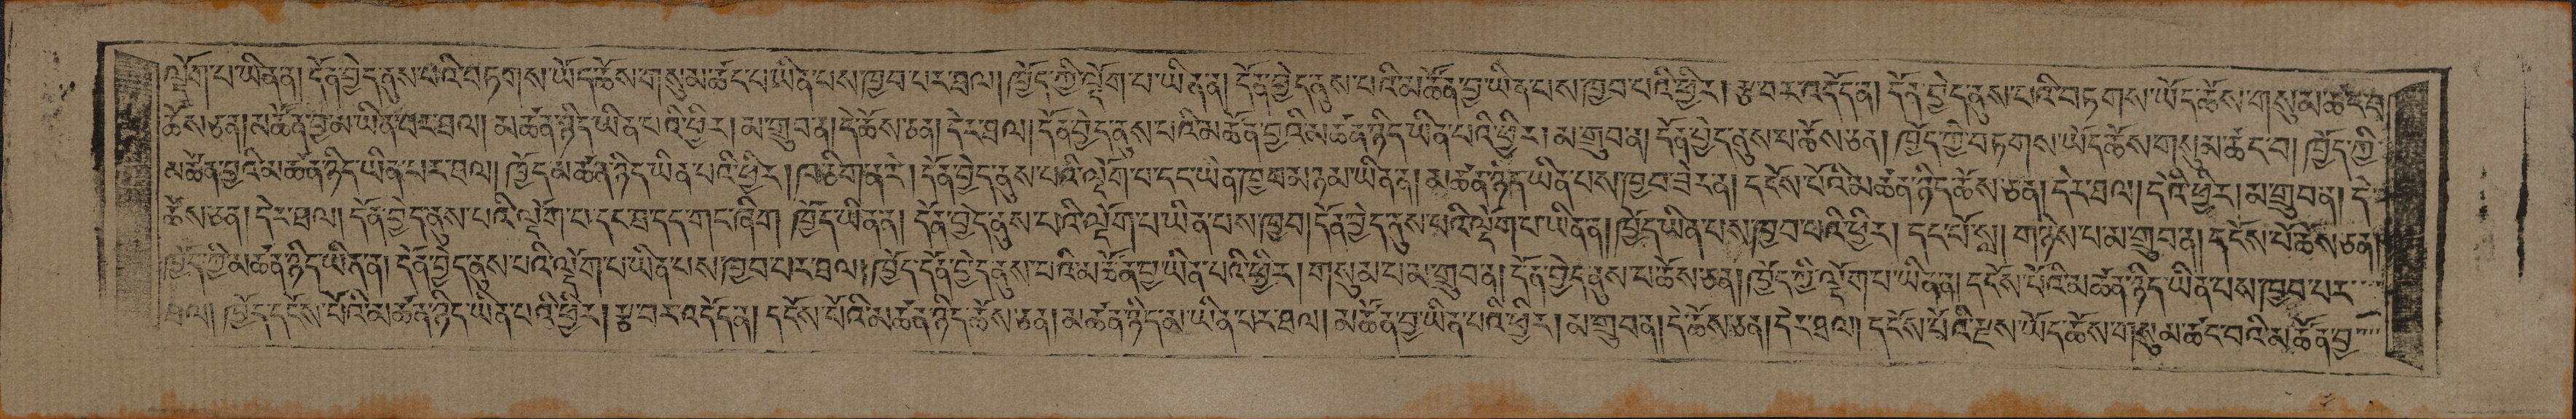ལྡོག་པ་ཡིན་ན། དོན་བྱེད་ནུས་པའི་བཏགས་ཡོད་ཆོས་གསུམ་ཚང་བ་ཡིན་པས་ཁྱབ་པར་ཐལ། ཁྱོད་ཀྱི་ལྡོག་པ་ཡིན་ན། དོན་བྱེད་ནུས་པའི་མཚོན་བྱ་ཡིན་པས་ཁྱབ་པའི་ཕྱིར། རྩ་བར་འདོད་ན། དོན་བྱེད་ནུས་པའི་བཏགས་ཡོད་ཆོས་གསུམ་ཚང་བ་
ཆོས་ཅན། མཚོན་བྱ་མ་ཡིན་པར་ཐལ། མཚན་ཉིད་ཡིན་པའི་ཕྱིར། མ་གྲུབ་ན། དེ་ཆོས་ཅན། དེར་ཐལ། དོན་བྱེད་ནུས་པའི་མཚོན་བྱའི་མཚན་ཉིད་ཡིན་པའི་ཕྱིར། མ་གྲུབ་ན། དོན་བྱེད་ནུས་པ་ཆོས་ཅན། ཁྱོད་ཀྱི་བཏགས་ཡོད་ཆོས་གསུམ་ཚང་བ། ཁྱོད་ཀྱི་
མཚོན་བྱའི་མཚན་ཉིད་ཡིན་པར་ཐལ། ཁྱོད་མཚན་ཉིད་ཡིན་པའི་ཕྱིར། ཁ་ཅིག་ན་རེ། དོན་བྱེད་ནུས་པའི་ལྡོག་པ་དང་ཡིན་ཁྱབ་མཉམ་ཡིན་ན། མཚན་ཉིད་ཡིན་པས་ཁྱབ་ཟེར་ན། དངོས་པོའི་མཚན་ཉིད་ཆོས་ཅན། དེར་ཐལ། དེའི་ཕྱིར། མ་གྲུབ་ན། དེ་
ཆོས་ཅན། དེར་ཐལ། དོན་བྱེད་ནུས་པའི་ལྡོག་པ་དང་ཐ་དད་གང་ཞིག་ཁྱོད་ཡིན་ན། དོན་བྱེད་ནུས་པའི་ལྡོག་པ་ཡིན་པས་ཁྱབ། དོན་བྱེད་ནུས་པའི་ལྡོག་པ་ཡིན་པས་ཁྱབ། དོན་བྱེད་ནུས་པའི་ལྡོག་པ་ཡིན་ན། ཁྱོད་ཡིན་པས་ཁྱབ་པའི་ཕྱིར། དང་པོ་སླ། གཉིས་པ་མ་གྲུབ་ན། དངོས་པོ་ཆོས་ཅན་
ཁྱོད་ཀྱི་མཚན་ཉིད་ཡིན་ན། དོན་བྱེད་ནུས་པའི་ལྡོག་པ་ཡིན་པས་ཁྱབ་པར་ཐལ། ཁྱོད་དོན་བྱེད་ནུས་པའི་མཚོན་བྱ་ཡིན་པའི་ཕྱིར། གསུམ་པ་མ་གྲུབ་ན། དོན་བྱེད་ནུས་པ་ཆོས་ཅན། ཁྱོད་ཀྱི་ལྡོག་པ་ཡིན་ན། དངོས་པོའི་མཚན་ཉིད་ཡིན་པས་ཁྱབ་པར་
ཐལ༑ ཁྱོད་དངོས་པོའི་མཚན་ཉིད་ཡིན་པའི་ཕྱིར། རྩ་བར་འདོད་ན། དངོས་པོའི་མཚན་ཉིད་ཆོས་ཅན། མཚན་ཉིད་མ་ཡིན་པར་ཐལ། མཚོན་བྱ་ཡིན་པའི་ཕྱིར། མ་གྲུབ་ན། དེ་ཆོས་ཅན། དེར་ཐལ། དངོས་པོའི་རྫས་ཡོད་ཆོས་གསུམ་ཚང་བའི་མཚོན་བྱ་